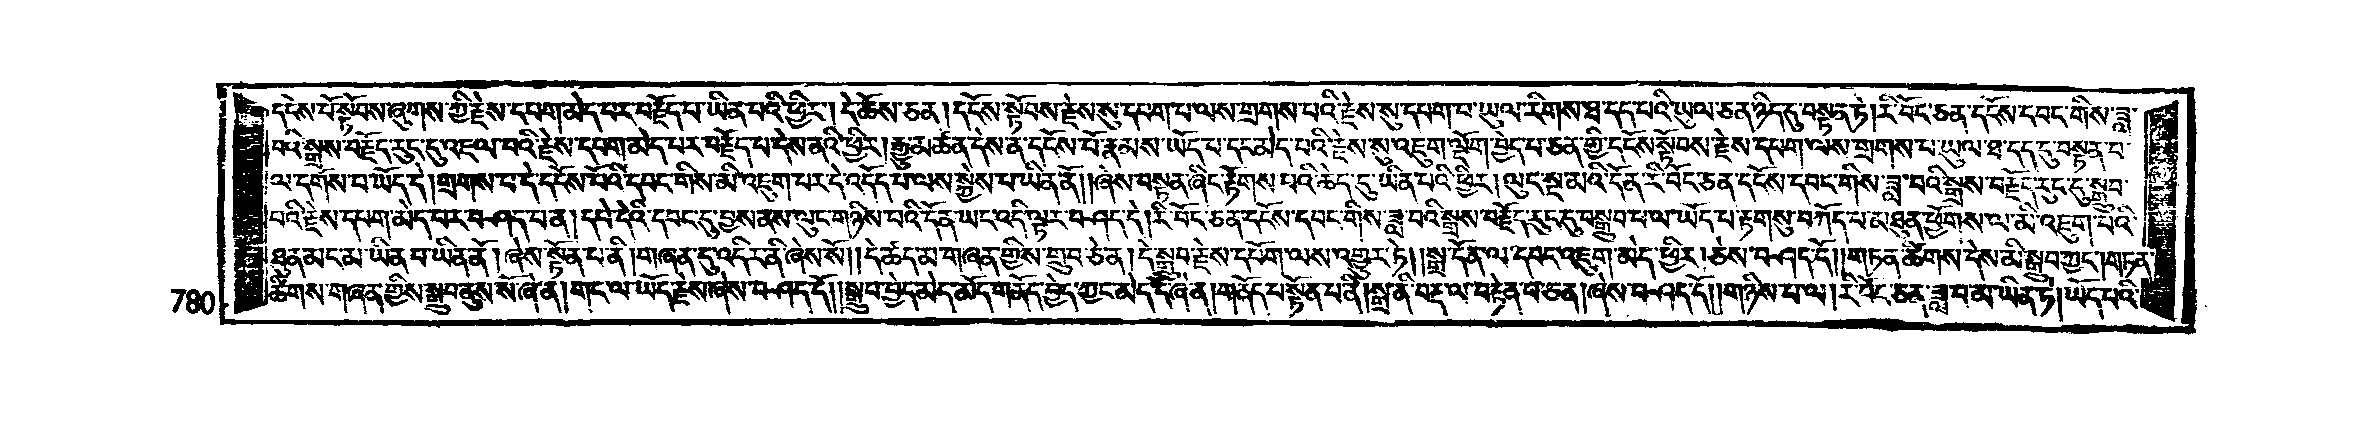དངོས་པོ་སྟོབས་ཞུགས་ཀྱི་རྗེས་དཔག་མེད་པར་བརྗོད་པ་ཡིན་པའི་ཕྱིར། དེ་ཆོས་ཅན། དངོས་སྟོབས་རྗེས་སུ་དཔག་པ་ལས་གྲགས་པའི་རྗེས་སུ་དཔག་པ་ཡུལ་རིགས་ཐ་དད་པའི་ཡུལ་ཅན་ཉིད་དུ་བསྟན་ཏེ། རི་བོང་ཅན་དངོས་དབང་གིས་ཟླ་
བའི་སྒྲས་བརྗོད་རུང་དུ་འཇལ་བའི་རྗེས་དཔག་མེད་པར་བརྗོད་པ་དེས་ནའི་ཕྱིར། རྒྱུ་མཚན་དེས་ན་དངོས་པོ་རྣམས་ཡོད་པ་དང་མེད་པའི་རྗེས་སུ་འཇུག་ལྡོག་བྱེད་པ་ཅན་གྱི་དངོས་སྟོབས་རྗེས་དཔག་ལས་གྲགས་པ་ཡུལ་ཐ་དད་དུ་བསྟན་པ་
ལ་དགོས་པ་ཡོད་དེ། གྲགས་པ་དེ་དངོས་པོའི་དབང་གིས་མི་འཇུག་པར་དེ་འདོད་པ་ལས་སྐྱེས་པ་ཡིན་ནོ། །ཞེས་བསྟན་ཞིང་རྟོགས་པའི་ཆེད་དུ་ཡིན་པའི་ཕྱིར། ལུང་སྔ་མའི་དོན་རི་བོང་ཅན་དངོས་དབང་གིས་ཟླ་བའི་སྒྲས་བརྗོད་རུང་དུ་སྒྲུབ་
པའི་རྗེས་དཔག་མེད་པར་བཤད་པ་ན། དཔེ་དེའི་དབང་དུ་བྱས་ནས་ལུང་གཉིས་པའི་དོན་ཡང་འདི་ལྟར་བཤད་དེ། རི་བོང་ཅན་དངོས་དབང་གིས་ཟླ་བའི་སྒྲས་བརྗོད་རུང་དུ་བསྒྲུབ་པ་ལ་ཡོད་པ་རྟགས་སུ་བཀོད་པ་མཐུན་ཕྱོགས་ལ་མི་འཇུག་པའི་
ཐུན་མོང་མ་ཡིན་པ་ཡིན་ནོ། ཞེས་སྟོན་པ་ནི། གཞན་དུ་འདིར་ནི་ཞེས་སོ། །དེ་ཚད་མ་གཞན་གྱིས་གྲུབ་ཅེ་ན། དེ་སྒྲུབ་རྗེས་དཔོག་ལས་འགྱུར་ཏེ། །སྒྲ་དོན་ལ་དབང་འཇུག་མེད་ཕྱིར། ཅེས་བཤད་དོ། །གཏན་ཚིགས་དེས་མི་སྒྲུབ་ཀྱང་། གཏན་
ཚིགས་གཞན་གྱིས་སྒྲུབ་ནུས་སོ་ཞེ་ན། གང་ལ་ཡོད་རྗེས་ཞེས་བཤད་དོ། །སྒྲུབ་བྱེད་མེད་མོད་གནོད་བྱེད་ཀྱང་མེད་དོ་ཞེ་ན། གནོད་པ་སྟོན་པ་ནི། སྒྲ་ནི་བརྡ་ལ་བརྟེན་པ་ཅན། ཞེས་བཤད་དོ། །གཉིས་པ་ལ། རི་བོང་ཅན་ཟླ་བ་མ་ཡིན་ཏེ། ཡོད་པའི་